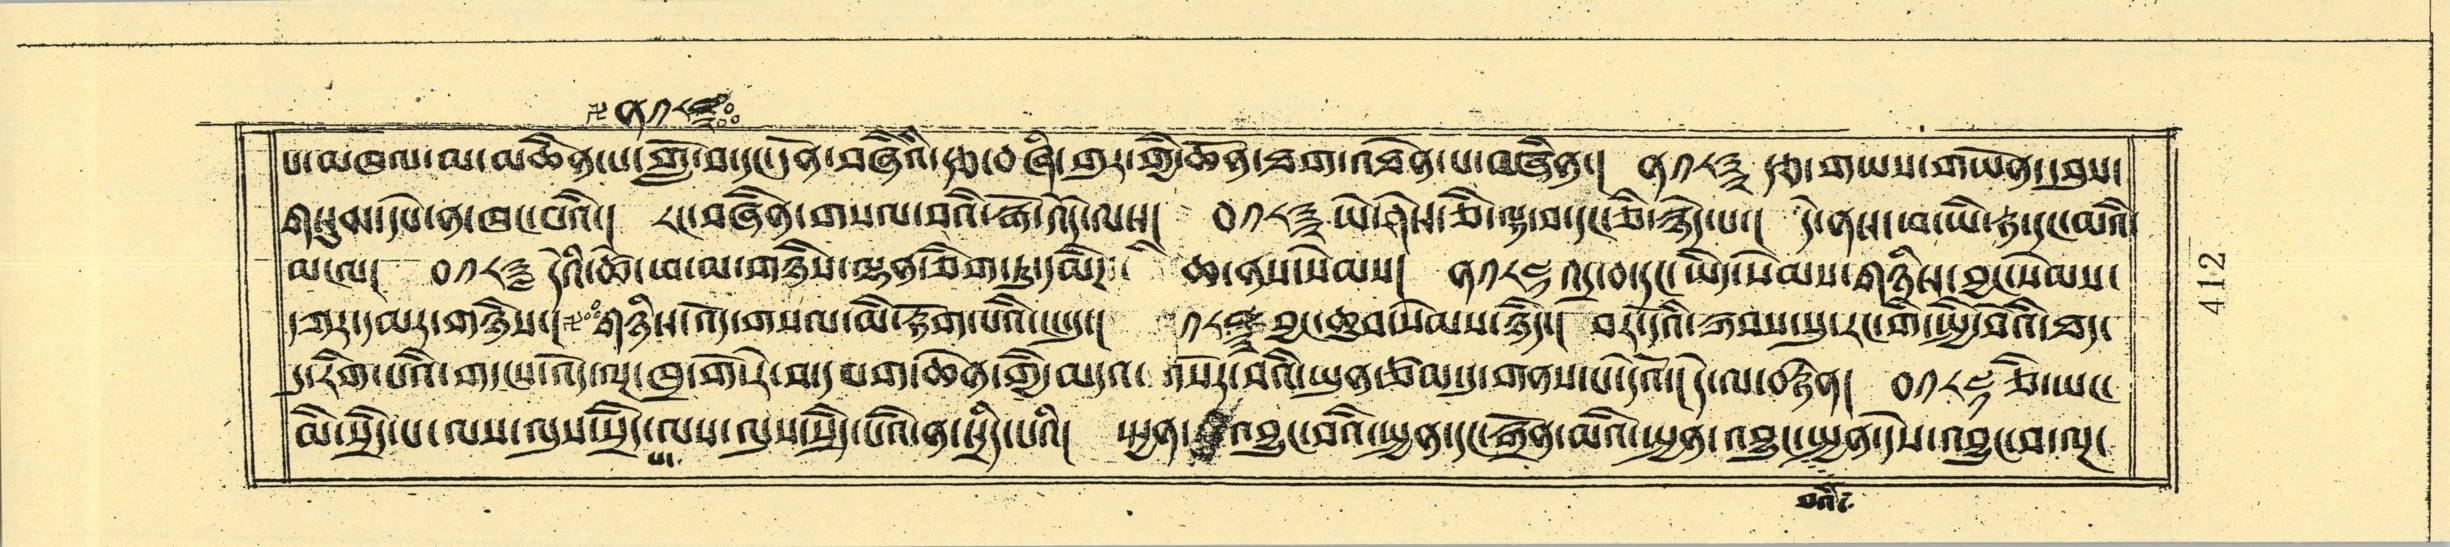པ་མཁལ་མ་མཆིན་པ་གློ་བ་དང་དོན་བཞིའི་༼རྩ་བཞི༽གུར་གྱི་ཆོན་ཐག་འཐེན་པ་བཞིན་དུ་ན༡༨༣། ༣༼རྩ་༽གཡས་གཡོན་དབུས་
༼གསུམ༽དཔེ་ན་ཁང་པའི་རང་བཞིན་གསལ་བའི་སྒོ་༼འོད་ལས༽བ༡༨༣།༢༼ཡེ་ཤེས༽ཅི་ལྟ་བ་དང་ཅི་སྙེད་པ་དེ་ནས་ཕ་ཡི་རྟ་དང་མའི་
མངལ་བ༡༤༣།༤༼དེའི་ཚེ༽ཕ་མ་གཉིས་ལྷན་ཅིག་ཏུ་དམིགས་པའི་ཆ་ནས་སེམས་ན༡༨༤།༡༼འདྲ་བ་དང་༽ཡིད་སེམས་༼གཉིས༽བྱང་སེམས་
དཀར་དམར་གཉིས་ན༡༨༥།༢༼གཉིས༽འོད་གསལ་མི་རྟོག་པའི་ངང་དུ་ ༡༨༤།༣བྱང་ཆུབ་སེམས་ཉིད་བར་དོའི་སྐབས་སུ་རང་གི་སྤྱི་བོའི་ཐད་
དུ་རིག་པའི་གདངས་འོད་ལྔ་ཁྲ་གོ་རེ་བ་དཔག་ཆེན་གྱི་མདའ་འཕང་བསོར་བའི་ཡུན་ཙམ་དུ་གནས་པ་དེའོ།༼དེ་ལ་བརྟེན༽བ༡༨༤།༡ཅི་ཡང་༼
མི་སྲིད་པ༽ལས་ལུས་སྲིད་པས་ན་༼སྲིད་པའི༽༼སྤྱན༽འབྱུང་བའི་སྤྱན་དང་སྒྲོན་མའི་སྤྱན་འབྱུང་བའི་སྤྱན་དེས་འབྱུང་བ་ལྔ་ ༼༽ ༼༽